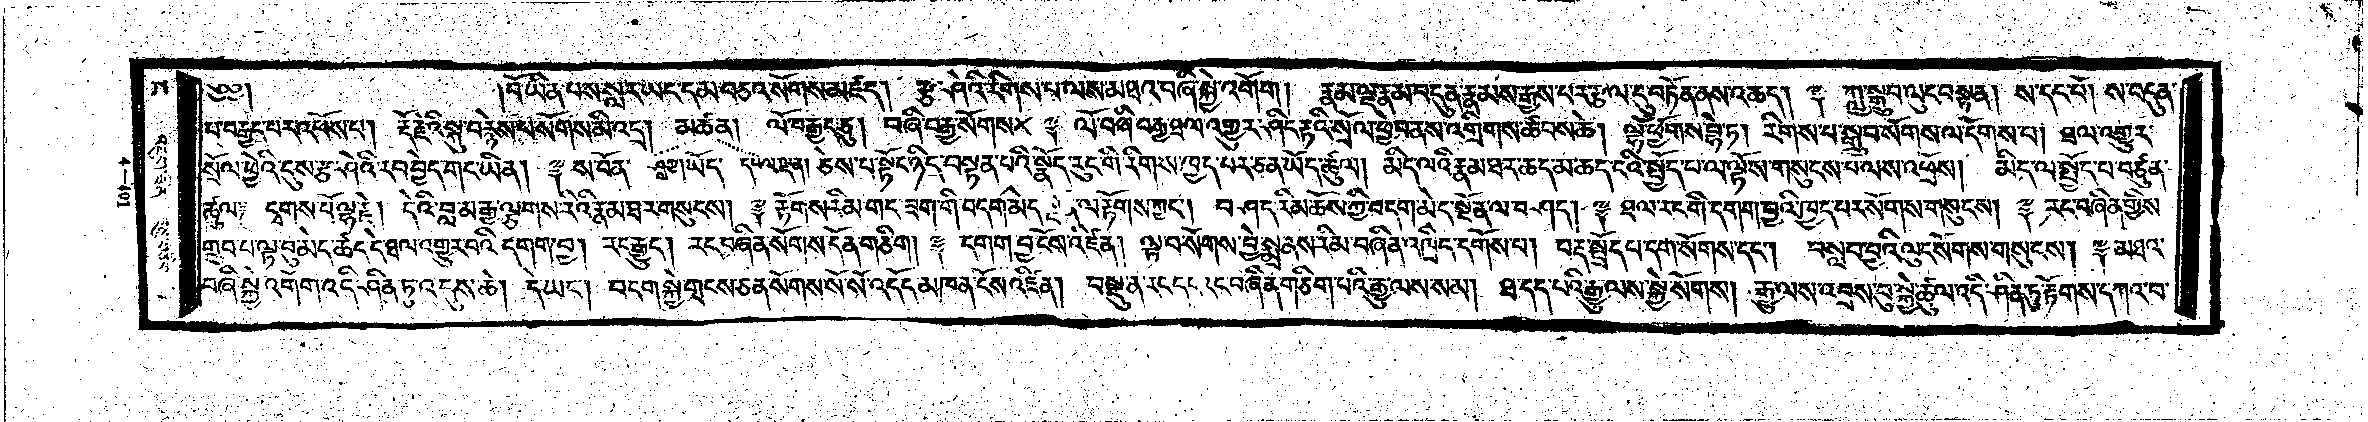༄༅། །བོ་ཡིན་པས་སླར་ཡང་དམ་བཅའ་སོགས་མཛད། རྩ་ཤེའི་རིགས་པ་ལས་མཐའ་བཞི་སྐྱེ་འགོག །རྣམ་ལྔ་རྣམ་བདུན་རྣམས་རྒྱས་པར་རྩལ་དུ་བཏོན་ནས་འཆད། ༈ ཀླུ་སྒྲུབ་ལུང་བསྟན། ས་དང་པོ། ས་བདུན་
པ་བརྒྱད་པར་འཕོས་པ། རྡོ་རྗེའི་སྐུ་བརྙེས་པ་སོགས་མི་འདྲ། ཤཱཀྱ་དཔལ་ལྡན།  མཚན། ལོ་བརྒྱད་ཅུ། བཞི་བརྒྱ་སོགས་྾་༈ ལོ་བཞི་བརྒྱ་ཐལ་འགྱུར་ཤིན་རྟའི་སྲོལ་ཕྱེ་བ་ནས་འགྲིགས་ཚབས་ཆེ། ལྷོ་ཕྱོགས་བྷེ་ཏ། རིགས་པ་སྒྲུབ་སོགས་ལ་དོགས་པ། ཐལ་འགྱུར་
སྲོལ་ཕྱེའི་དུས་རྩ་ཤེའི་རབ་བྱེད་གང་ཡིན། ༈ ས་བོན། ཡོད་ཅེས་པ་སྟོང་ཉིད་བསྟན་པའི་སྣོད་རུང་གི་རིགས་ཁྱད་པར་ཅན་ཡོད་ཚུལ། མིད་ལའི་རྣམ་ཐར་ཆད་མ་ཆད་ངའི་སྤྱོད་པ་ལ་ལྟོས་གསུངས་པ་ལས་འཕྲོས། མིད་ལ་སྤྱོད་པ་བཙུན་
ཚུལ༑ དྭགས་པོ་ལྷ་རྗེ། དེའི་བླ་མ་རྒྱ་ལྕགས་རིའི་རྣམ་ཐར་གསུངས། ༈ རྟོགས་རིམ་གང་ཟག་གི་བདག་མེད་སྔོན་ལ་རྟོགས་ཀྱང་། བཤད་རིམ་ཆོས་ཀྱི་བདག་མེད་སྔོན་ལ་བཤད། ༈ ཐལ་རང་གི་དགག་བྱའི་ཁྱད་པར་སོགས་གསུངས། ༈ རང་བཞིན་གྱིས་
གྲུབ་པ་ལྟ་བུ་མེད་ཚད་དེ་ཐལ་འགྱུར་བའི་དགག་བྱ། རང་རྒྱུད། རང་བཞིན་སོགས་དོན་གཅིག །༈ དགག་བྱ་ངོས་འཛིན། ལྟ་བ་སོགས་བྱེ་སྨྲ་ནས་རིམ་བཞིན་འཁྲིད་དགོས་པ། བརྡ་སྤྲོད་པ་དག་སོགས་དང་། བསླབ་བྱའི་ལུང་སོགས་གསུངས། ༈ མཐའ་
བཞི་སྐྱེ་འགོག་འདི་ཤིན་ཏུ་འདུས་ཆེ། དེ་ཡང་། བདག་སྐྱེ་གྲངས་ཅན་སོགས་སོ་སོ་འདོད་མཁན་ངོས་འཛིན། བསྡུ་ན་རང་དང་རང་བཞིན་གཅིག་པའི་རྒྱུ་ལས་སམ། ཐ་དད་པའི་རྒྱུ་ལས་སྐྱེ་སོགས། རྒྱུ་ལས་འབྲས་བུ་སྐྱེ་ཚུལ་འདི་ཤིན་ཏུ་རྟོགས་དཀའ་བ་